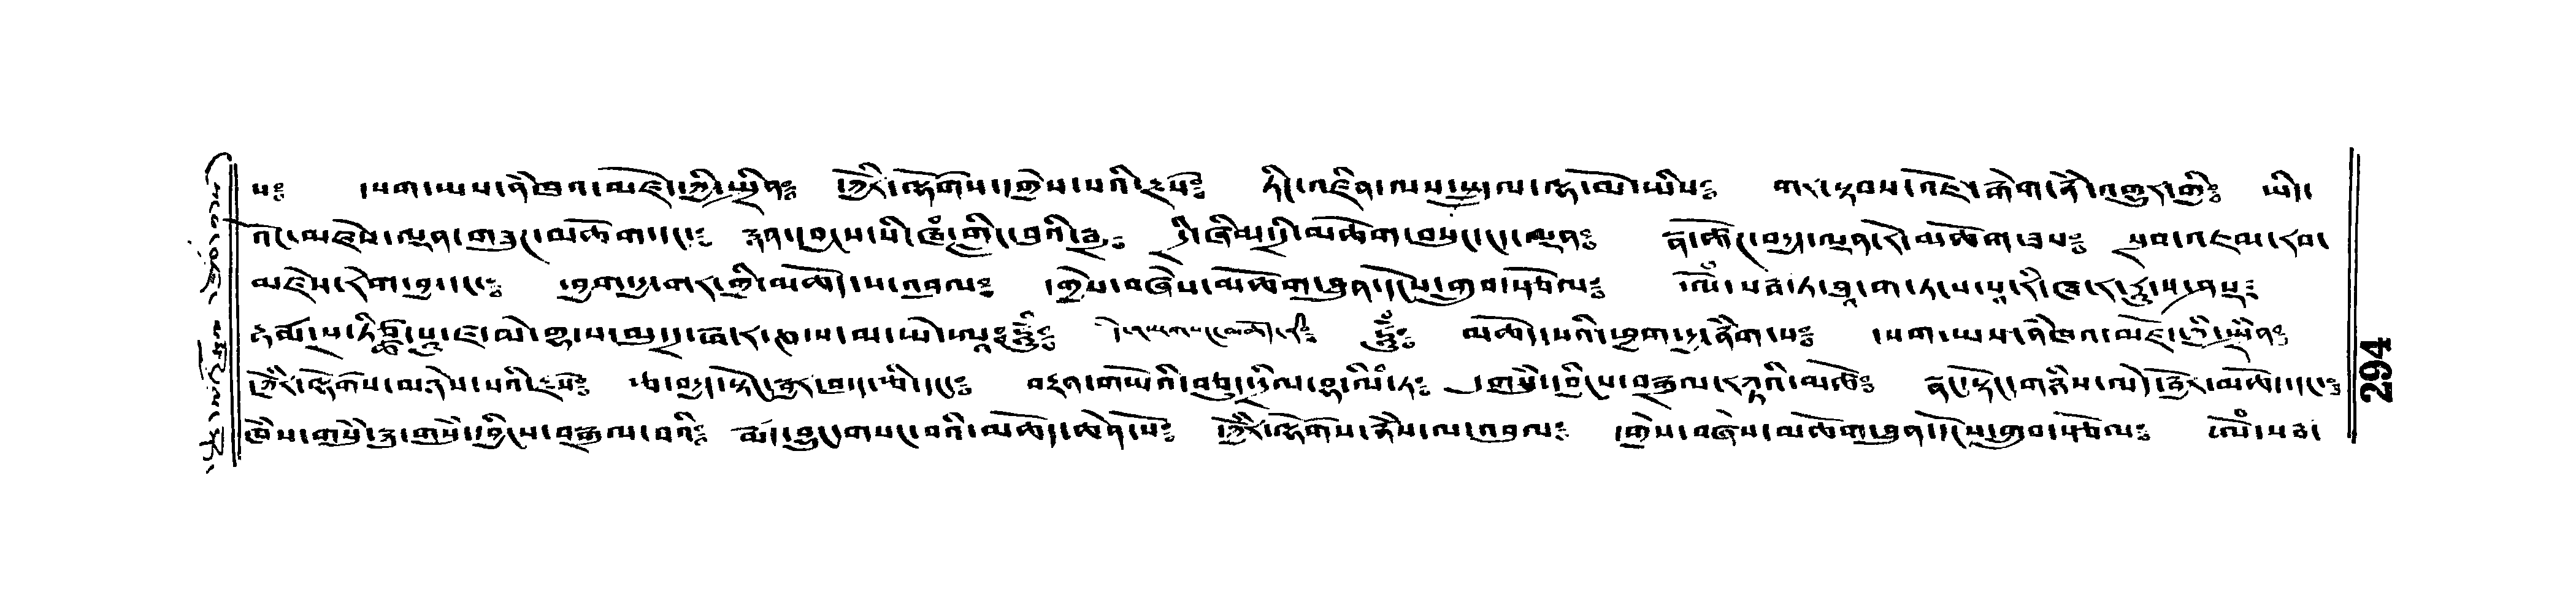པ༔ དཔག་ཡས་ནམ་མཁའ་མཛོད་ཀྱི་སྤྲིན༔ དཀྱིལ་འཁོར་ལྷ་ཚོགས་དགྱེས་པའི་རྫས༔ ཏིང་འཛིན་ལས་སྤྲུལ་ལྷ་མོ་ཡིས༔ གར་སྟབས་འཇོ་སྒེག་རྣམ་འགྱུར་གྱི༔ ཡིད་
འོང་མཛེས་ལྡན་གཟུགས་མཆོག་དང༔ སྙན་དབྱངས་པི་ཝཾ་གླིང་བུའི་སྒྲ༔ དྲི་ཞིམ་དྲི་མཆོག་བསུང་ངད་ལྡན༔ སྣ་ཚོགས་བརྒྱད་ལྡན་རོ་མཆོག་ཟས༔ སྲབ་འཇམ་རབ་
མཛེས་རེག་བྱ་དང༔ ཕྱག་རྒྱ་གར་གྱི་མཆོད་པ་འབུལ༔ དགྱེས་བཞེས་མཆོག་ཐུན་དངོས་གྲུབ་སྩོལ༔ ཨོཾ་སརྦ་ཏ་ཐཱ་ག་ཏ་ས་པཱ་རི་ཝ་ར་རཱུ་པ་ཤཔྡ༴ 
དྷརྨ་པྲ་ཏིཙྪ་པཱུ་ཛ་མེ་གྷ་ས་མུ་དྲ་སྥ་ར་ཎ་ས་མ་ཡེ་ཨཱཿཧཱུྃ༔ དེ་ནས་གསང་མཆོད་ནི༔ ཧཱུྃ༔ མཆོད་པའི་ཕྱག་རྒྱ་རྣམ་དག་པ༔ དཔག་ཡས་ནམ་མཁའ་མཛོད་ཀྱི་སྤྲིན༔ 
དཀྱིལ་འཁོར་ལྷ་ཚོགས་མཉེས་པའི་རྫས༔ རྩ་བརྒྱད་སྟོང་སྦྱར་བདུད་རྩི་དང༔ བརྟན་གཡོའི་བཅུད་དྲིལ་བྷ་ལིཾ་ཏ༔ དུག་གསུམ་དབྱིངས་བསྒྲོལ་རཀྟའི་མཚོ༔ སྣང་སྟོང་གཉིས་མེད་སྦྱོར་མཆོད་དང༔ 
ཁམས་གསུམ་སྐུ་གསུམ་དབྱིངས་བསྒྲལ་བའི༔ རྨད་བྱུང་གསང་བའི་མཆོད་ཆེན་པོ༔ དཀྱིལ་འཁོར་ལྷ་ཚོགས་རྣམས་ལ་འབུལ༔ དགྱེས་བཞེས་མཆོག་ཐུན་དངོས་གྲུབ་སྩོལ༔ ཨོཾ་སརྦ་